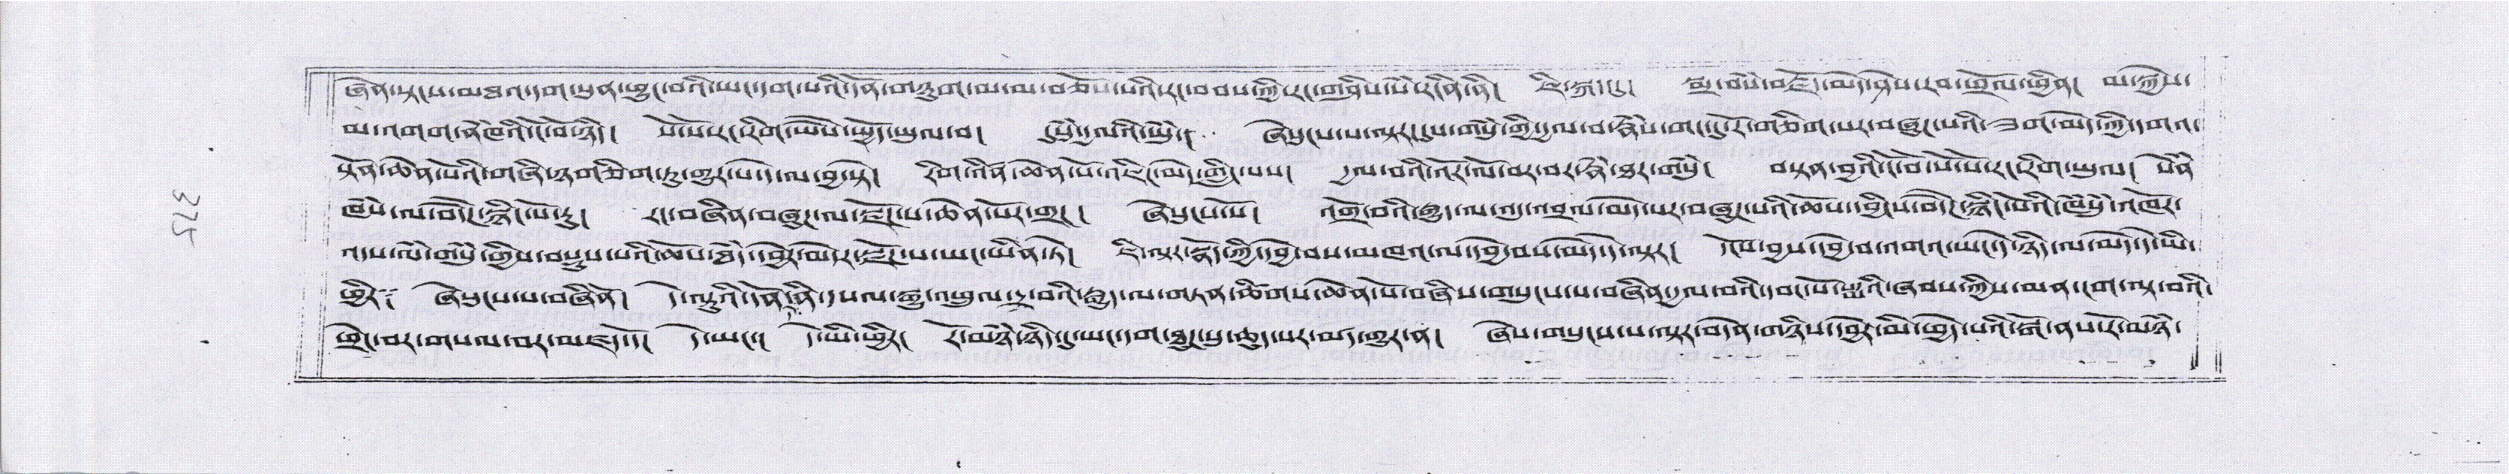ཞེན་སྟངས་མཐའ་དག་སུན་ཕྱུང་བའི་ཡང་དག་པའི་དོན་གཉུག་མ་མ་བཅོས་པའི་རང་བབས་ཀྱི་རང་གཤིས་སམ་རང་བཞིན་ནི། ཇི་སྐད་དུ། སྨྲ་བསམ་བརྗོད་མེད་ཤེས་རབ་ཕྲོལ་ཕྱིན། མ་སྐྱེས་
མ་འགག་ནམ་མཁའི་ངོ་བོ་ཉིད། སོ་སོ་རང་རིག་ཡེ་ཤེས་སྤྱོད་ཡུལ་བ། དུས་གསུམ་རྒྱལ་བའི་ཡུམ། ཞེས་གསུངས་པ་ལྟར་དུས་གསུམ་གྱི་རྒྱལ་བ་རྣམས་གང་དུ་རོ་གཅིག་པར་བཞུགས་པའི་ཟག་མེད་ཀྱི་དགའ་
སྟོན་ཆེན་པོའི་གཞི་ཉག་གཅིག་ཏུ་གྱུར་པ་དེ་ལ་བྱ་སྟེ། རིག་འཛིན་ཆེན་པོ་འཇིགས་མེད་གླིང་པས། རྒྱལ་བའི་འཁོར་ལོ་བར་བར་རྣམ་ཐར་གསུམ། བསྟན་བྱའི་ངོ་བོ་སོ་སོ་རང་རིག་ཡུལ། སེམས་ཅན་
ཁམས་ལ་བདེ་གཤེགས་སྙིང་པོ་རུ། རང་བཞིན་བཞུགས་ལ་རྫོགས་པ་ཆེན་པོར་གྲགས། ཞེས་གསུངས་སོ། འགྲོ་བའི་རྒྱུད་ལ་འདུ་འབྲལ་མེད་པར་བཞུགས་པའི་ཆོས་དབྱིངས་བདེ་གཤེགས་སྙིང་པོའི་ཁམས་གསུམ་འཁོར་
འདས་ལམ་གསུམ་གྱིས་བསྡུས་པའི་ཆོས་ཐམས་ཅད་དབྱེར་མེད་པར་རྫོགས་པ་ཡང་ཡིན་ཏེ། ཇི་ལྟར་སྣོད་ཀྱི་དབྱེ་བས་མཁའ་ལ་དབྱེ་བས་མེད་དེ་ལྟར། དངོས་བྱས་དབྱེ་བ་འགའ་ཡང་དེ་ཉིད་ལ་མེད་དེ་ཡི་
ཕྱིར། ཞེས་གསུངས་པ་བཞིན་ནོ། དེ་ལྟ་བུའི་དོན་དེ་ནི་དཔལ་སྒྱུ་འཕྲུལ་དྲ་བའི་རྒྱུད་ལ་གཏན་ཚིགས་ཆེན་པོ་བཞིས་གསུངས་པ་བཞིན་རྒྱལ་བའི་དབང་པོ་པདྨའི་ཞབས་ཀྱིས་མན་ངག་ལྟ་བའི་
ཕྲེང་བར་གསལ་བར་མཛད་དོ། དེ་ཡང། དེ་ཡི་ཕྱིར། རོ་མཉམ་ཉིད་དུ་ཡང་དག་ཐུགས་སུ་ཆུད་པར་མཛད་གྱུར་ན། ཞེས་གསུངས་པ་ལྟར་བདེན་གཉིས་དབྱེར་མི་ཕྱེད་པའི་སྒོ་ནས་རོ་མཉམ་